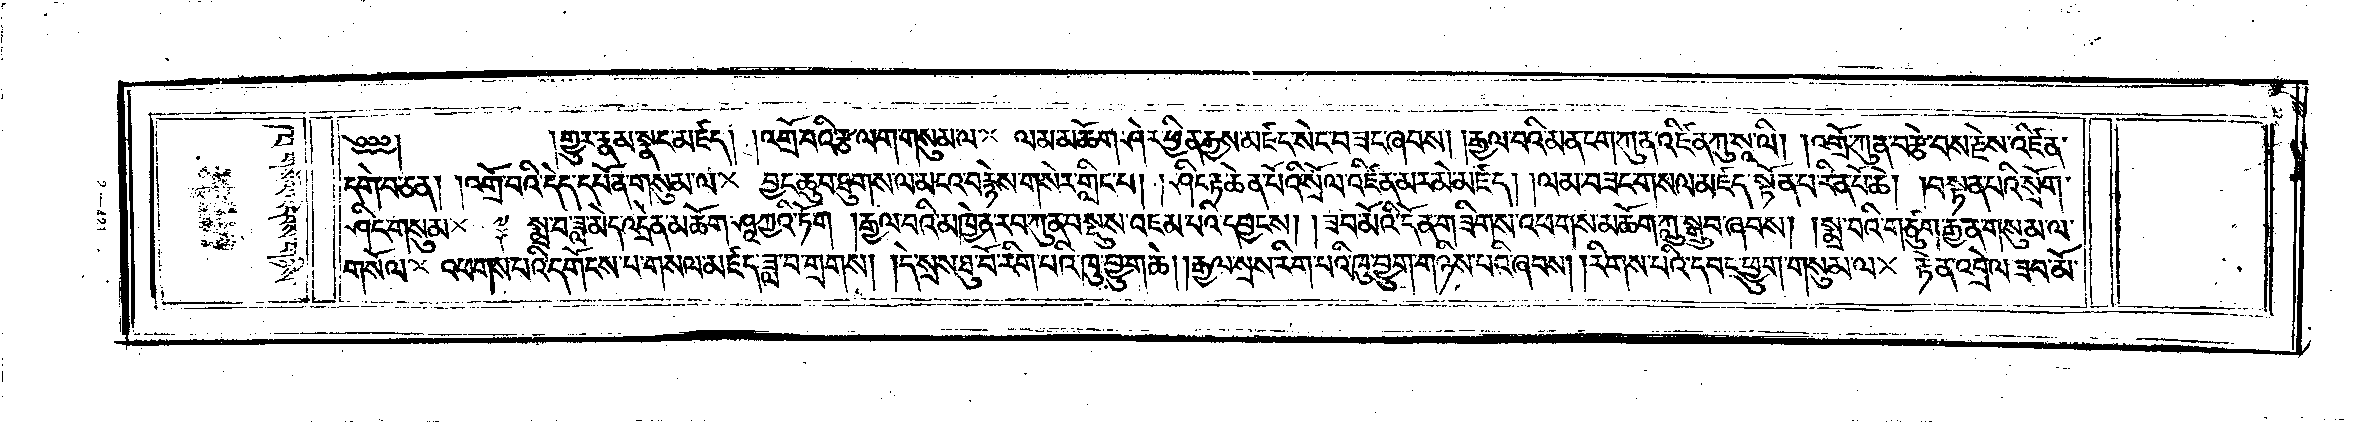༄༅༅། །གྱུར་རྣམ་སྣང་མཛད། །འགྲོ་བའི་རྩ་ལག་གསུམ་ལ་྾་ལམ་མཆོག་ཤེར་ཕྱིན་རྒྱས་མཛད་སེང་བཟང་ཞབས། །རྒྱལ་བའི་མན་ངག་ཀུན་འཛིན་ཀུ་སཱ་ལི། །འགྲོ་ཀུན་བརྩེ་བས་རྗེས་འཛིན་
དགེ་བ་ཅན། །འགྲོ་བའི་དེད་དཔོན་གསུམ་ལ་྾་བྱང་ཆུབ་ཐུགས་ལམ་མངའ་བརྙེས་གསེར་གླིང་པ། །ཤིང་རྟ་ཆེན་པོའི་སྲོལ་འཛིན་མར་མེ་མཛད། །ལམ་བཟང་གསལ་མཛད་སྟོན་པ་རིན་པོ་ཆེ། །བསྟན་པའི་སྲོག་
ཤིང་གསུམ་྾་༈ སྨྲ་བ་ཟླ་མེད་འདྲེན་མཆོག་ཤཱཀྱའི་ཏོག །རྒྱལ་བའི་མཁྱེན་རབ་ཀུན་བསྡུས་འཇམ་པའི་དབྱངས། །ཟབ་མོའི་དོན་གཟིགས་འཕགས་མཆོག་ཀླུ་སྒྲུབ་ཞབས། །སྨྲ་བའི་གཙུག་རྒྱ་ནག་གསུམ་ལ་
གསོལ་྾་འཕགས་པའི་དགོངས་པ་གསལ་མཛད་ཟླ་བ་གྲགས། །དེ་སྲས་ཐུ་བོ་རིག་པའི་ཁུ་བྱུག་ཆེ། །རྒྱལ་སྲས་རིག་པའི་ཁུ་བྱུག་གཉིས་པའི་ཞབས། །རིགས་པའི་དབང་ཕྱུག་གསུམ་ལ་྾་རྟེན་འབྲེལ་ཟབ་མོ་